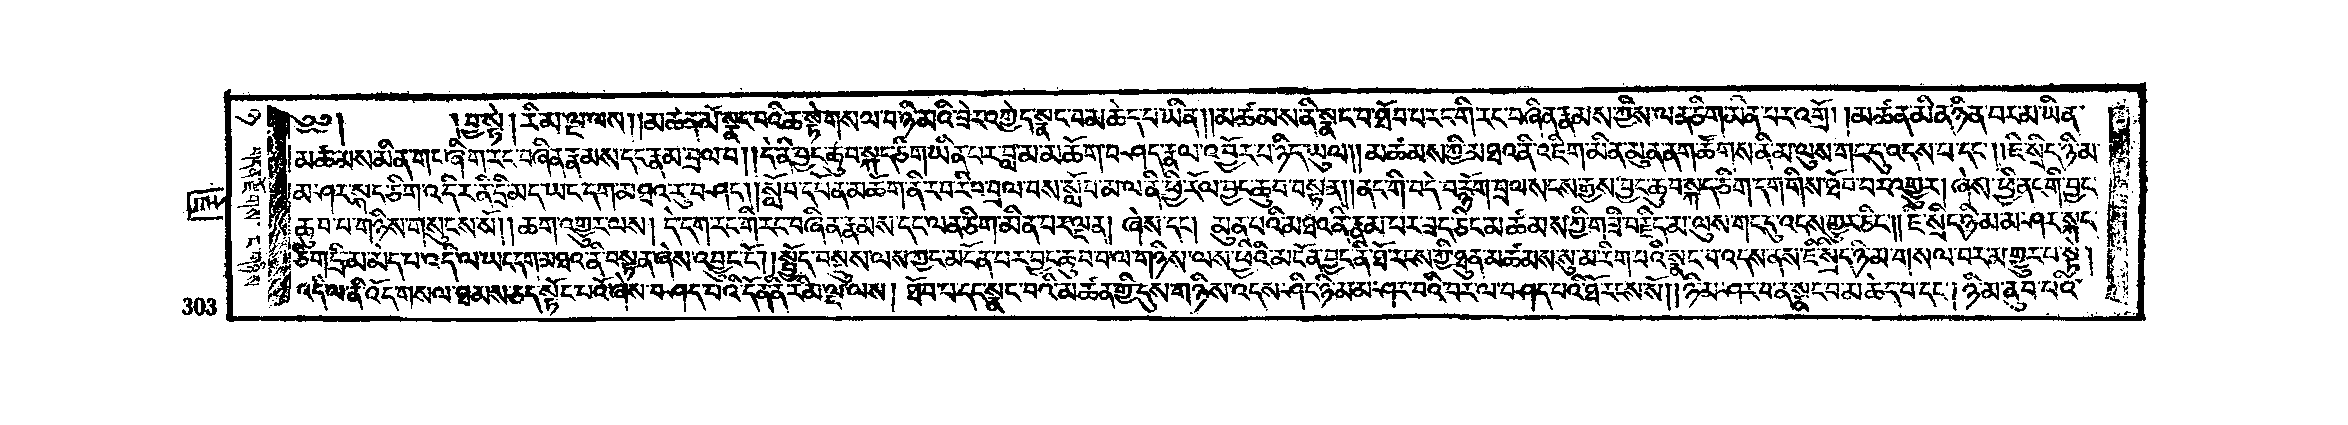༄༅། །བྱ་སྟེ། རིམ་ལྔ་ལས། །མཚན་མོ་སྣང་བའི་ཆ་སྟེ་གསལ་བ་ཉི་མའི་ཟེར་འགྱེད་སྣང་བ་མཆེད་པ་ཡིན། །མཚམས་ནི་སྣང་བ་ཐོབ་པ་རང་གི་རང་བཞིན་རྣམས་ཀྱིས་ལན་ཅིག་མིན་པར་འགྲོ། །མཚན་མིན་ཉིན་བར་མ་ཡིན་
མཚམས་མིན་གང་ཞིག་རང་བཞིན་རྣམས་དང་རྣམ་བྲལ་བ། །དེ་ནི་བྱང་ཆུབ་སྐད་ཅིག་ཡིན་པར་བླ་མ་མཆོག་བཤད་རྣལ་འབྱོར་པ་ཉིད་ཡུལ། །མཚམས་ཀྱི་མཐའ་ནི་འཇིག་མིན་མུན་ནག་ཚོགས་ནི་མ་ལུས་གང་དུ་འདས་པ་དང་། །ཇི་སྲིད་ཉི་མ་
མ་ཤར་སྐད་ཅིག་འདིར་ནི་དྲི་མེད་ཡང་དག་མཐའ་རུ་བཤད། །སློབ་དཔོན་མཆོག་ནི་རབ་རིབ་བྲལ་བས་སློབ་མ་ལ་ནི་ཕྱི་རོལ་བྱང་ཆུབ་བསྟན། །ནང་གི་བདེ་བ་རྙོག་བྲལ་སངས་རྒྱས་བྱང་ཆུབ་སྐད་ཅིག་དག་གིས་ཐོབ་པར་འགྱུར། ཞེས་ཕྱི་ནང་གི་བྱང་
ཆུབ་པ་གཉིས་གསུངས་སོ། །ཆག་འགྱུར་ལས། དེ་དག་རང་གི་རང་བཞིན་རྣམས་དང་ལན་ཅིག་མིན་པར་ལྡན། ཞེས་དང་། མུན་པའི་མཐའ་ནི་རྣམ་པར་ཟད་ཅིང་མཚམས་ཀྱི་གཟི་བརྗིད་མ་ལུས་གང་དུ་འདས་གྱུར་ཅིང་། །ཇི་སྲིད་ཉི་མ་མ་ཤར་སྐད་
ཅིག་དྲི་མ་མེད་པ་འདི་ལ་ཡང་དག་མཐའ་ནི་བསྟན་ཞེས་འབྱུང་ངོ། །སྤྱོད་བསྡུས་ལས་ཀྱང་མངོན་པར་བྱང་ཆུབ་པ་ལ་གཉིས་ལས་ཕྱིའི་མངོན་བྱང་ནི་ཐོ་རངས་ཀྱི་ཐུན་མཚམས་སུ་མ་རིག་པའི་སྣང་བ་འདས་ནས་ཇི་སྲིད་ཉི་མ་གསལ་བར་མ་གྱུར་བ་སྟེ།
འདི་ལ་ནི་འོད་གསལ་ཐམས་ཅད་སྟོང་པའོ་ཞེས་བཤད་པའི་དོན་ནི་རིམ་ལྔ་ལས། ཐོབ་པ་དང་སྣང་བའི་མཚན་གྱི་དུས་གཉིས་འདས་ཤིང་ཉི་མ་མ་ཤར་བའི་བར་ལ་བཤད་པའི་ཐོ་རངས་སོ། །ཉི་མ་ཤར་བ་ན་སྣང་བ་མཆེད་པ་དང་། ཉི་མ་ནུབ་པའི་